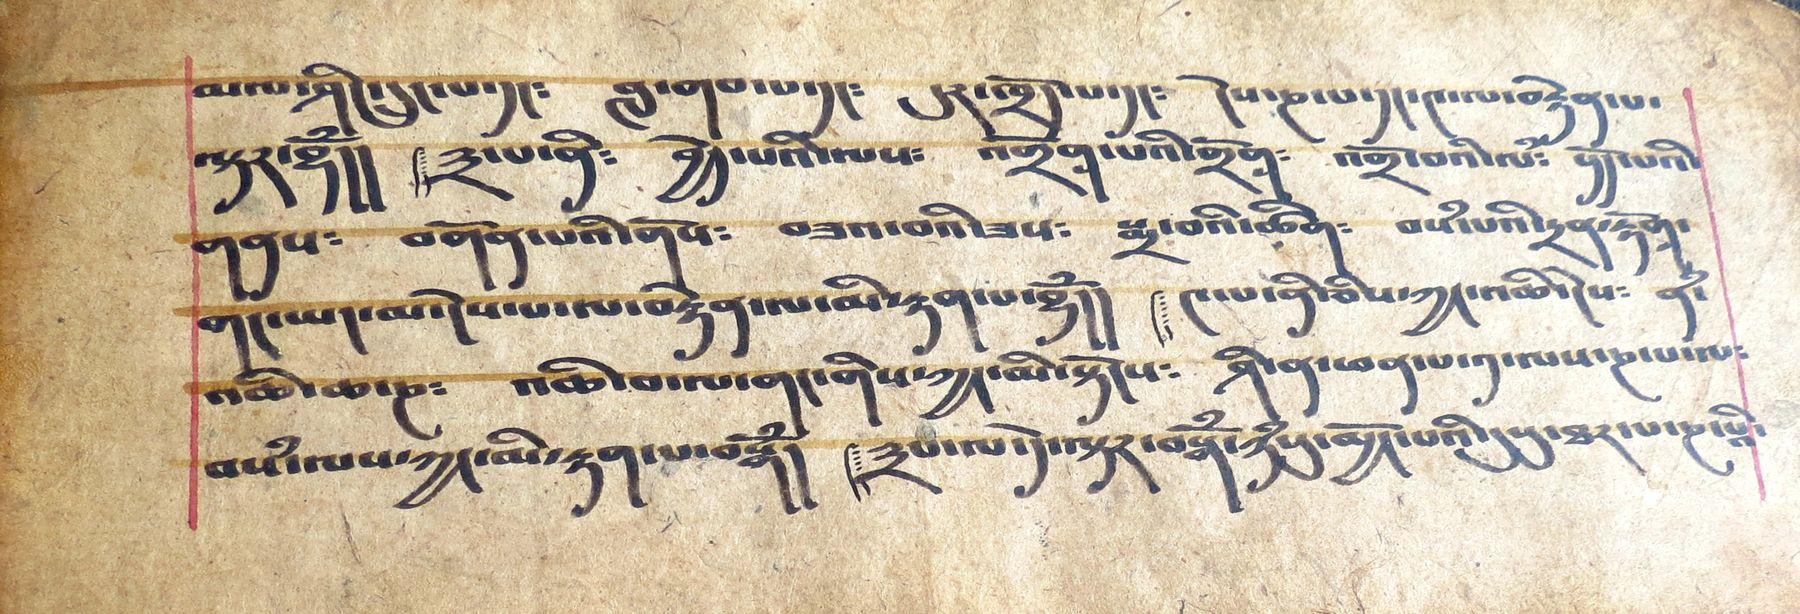མལ་ཤིང་དྲུང་པ་དང་། བླ་ཁེབས་པ་དང་། དུར་ཁྲོད་པ་དང་ངེས་པ་དང་བཞི་ལ་བརྟེན་པ་
ལྟར་སྒོམ། གསུམ་པ་༼སྤྱོད་ལམ་ལ་བརྟེན་པ༽ནི། བྱེད་པའི་ལས། འགྲོགས་པའི་གྲོགས། འགྲོ་བའི་ལམ། སྡོད་པའི་
གནས། གོན་པའི་གོས། བཟའ་བའི་ཟས། སྨྲ་བའི་ཚིག བསམ་པའི་དྲན་རྟོག 
གང་ཡང་མ་ངེས་པ་ལ་བརྟེན་ནས་མི་རྟག་པ་བསྒོམ། བཞི་པ་༼སྣ་ཚོགས་ལ་བསྟེན་པ༽ནི་ཅིས་ཀྱང་འཆི་ངེས། ནམ་
འཆི་ཆ་མེད། འཆི་བ་ལ་གང་གིས་ཀྱང་མི་སྡོང་། ཤི་ན་ཕན་པ་གཅིག་ཀྱང་མེད་པ་ལ་
བསམ་ནས་ཀྱང་མི་རྟག་པ་སྒོམ། གསུམ་པ་ལ་དེ་ལྟར་སྒོམ་པས། ཉམས་སུ་མྱོང་བའི་དུས་སུ། ཐར་པ་མེད་པའི་